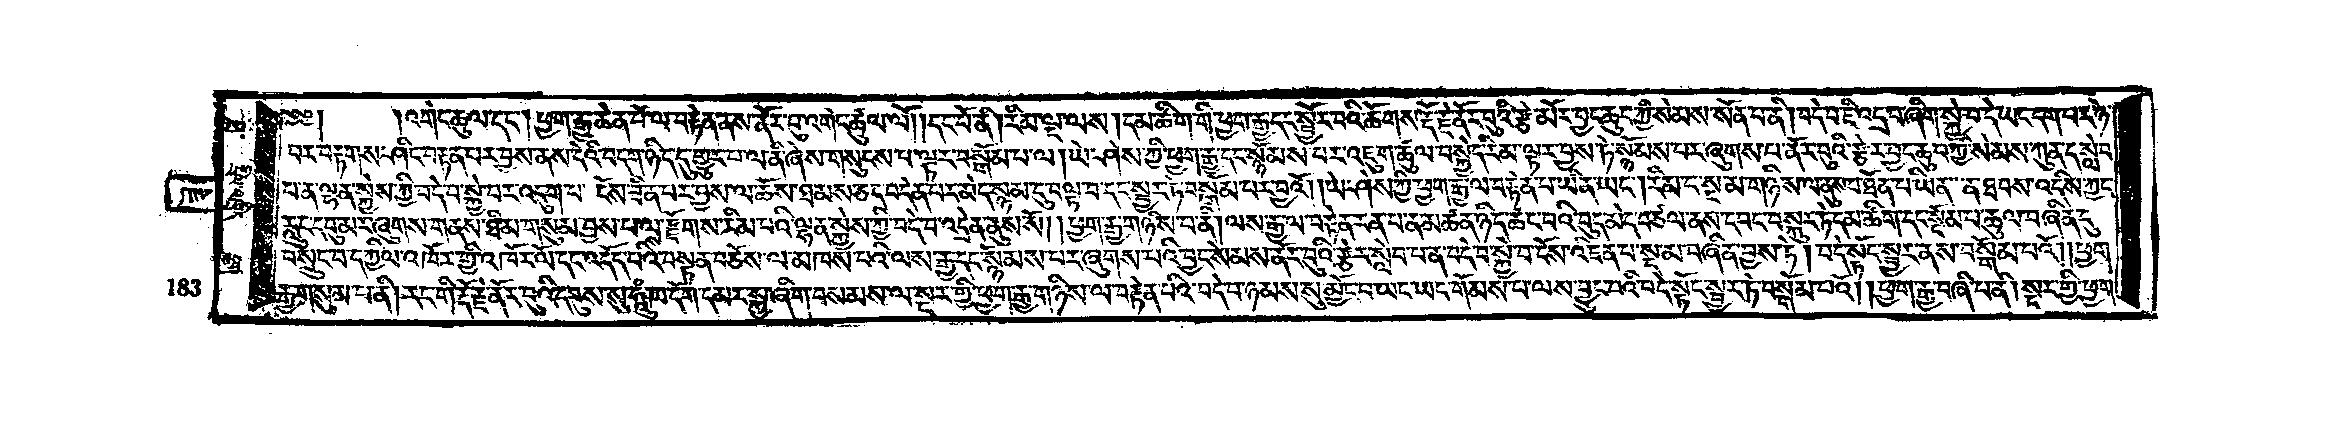༄༅། །འགེང་ཚུལ་དང་། ཕྱག་རྒྱ་ཆེན་པོ་ལ་བརྟེན་ནས་ནོར་བུ་འགེང་ཚུལ་ལོ། །དང་པོ་ནི། རིམ་ལྔ་ལས། དམ་ཚིག་གི་ཕྱག་རྒྱ་དང་སྦྱོར་བའི་ཆོ་གས་རྡོ་རྗེ་ནོར་བུའི་རྩེ་མོར་བྱང་ཆུབ་ཀྱི་སེམས་སོན་པ་ན། བདེ་བ་ཇི་འདྲ་བ་ཞིག་སྐྱེ་བ་དེ་ཡང་དག་པར་ཉེ་
བར་བརྟགས་ཤིང་བརྟན་པར་བྱས་ནས་དེའི་བདག་ཉིད་དུ་གྱུར་པ་ལ་ནི་ཞེས་གསུངས་པ་ལྟར་བསྒོམ་པ་ལ། ཡེ་ཤེས་ཀྱི་ཕྱག་རྒྱ་དང་སྙོམ་པར་འཇུག་ཚུལ་བསྐྱེད་རིམ་ལྟར་བྱས་ཏེ་སྙོམས་པར་ཞུགས་པ་ནོར་བུའི་རྩེར་བྱང་ཆུབ་ཀྱི་སེམས་ཀུན་དེ་སླེབ་
པ་ན་ལྷན་སྐྱེས་ཀྱི་བདེ་བ་སྐྱེ་བར་འདུག་པ་ངོས་ཟིན་པར་བྱས་ལ་ཆོས་ཐམས་ཅད་བདེན་པར་མེད་སྙམ་དུ་བལྟ་བ་དང་སྦྱར་ཏེ་བསྒོམ་པར་བྱའོ། །ཡེ་ཤེས་ཀྱི་ཕྱག་རྒྱ་ལ་བརྟེན་པ་ཡིན་ཡང་། རིམ་པ་སྔ་མ་གཉིས་ལ་ནུས་པ་ཐོན་པ་ཡིན་ན་ཐབས་འདིས་ཀྱང་
རླུང་དབུ་མར་ཞུགས་གནས་ཐིམ་གསུམ་བྱས་པ་ལས་རྫོགས་རིམ་པའི་ལྷན་སྐྱེས་ཀྱི་བདེ་བ་འདྲེན་ནུས་སོ། །ཕྱག་རྒྱ་གཉིས་པ་ནི། ལས་རྒྱ་ལ་བརྟེན་རན་པ་ན་མཚན་ཉིད་ཚང་བའི་བུད་མེད་བཙལ་ནས་དབང་བསྐུར་ཏེ་དམ་ཚིག་དང་སྡོམ་པ་ཚུལ་བཞིན་དུ་
བསྲུང་བ་དཀྱིལ་འཁོར་གྱི་འཁོར་ལོ་དང་འདོད་པའི་བསྟན་བཅོས་ལ་མཁས་པའི་ལས་རྒྱ་དང་སྙོམས་པར་ཞུགས་པའི་བྱང་སེམས་ནོར་བུའི་རྩེར་སླེབ་པ་ན་བདེ་བ་སྐྱེ་བ་ངོས་འཛིན་པ་སྔ་མ་བཞིན་བྱས་ཏེ། བདེ་སྟོང་སྦྱར་ནས་བསྒོམ་པའོ། །ཕྱག་
རྒྱ་གསུམ་པ་ནི། རང་གི་རྡོ་རྗེ་ནོར་བུའི་དབུས་སུ་ཧཱུཾ་ཁ་དོག་དམར་སྐྱ་ཞིག་བསམས་ལ་སྔར་གྱི་ཕྱག་རྒྱ་གཉིས་ལ་བརྟེན་པའི་བདེ་བ་ཉམས་སུ་མྱོང་བ་ཡང་ཡང་གོམས་པ་ལས་བྱུང་བའི་བདེ་སྟོང་སྦྱར་ཏེ་བསྒོམ་པའོ། །ཕྱག་རྒྱ་བཞི་པ་ནི། སྔར་གྱི་ཕྱག་